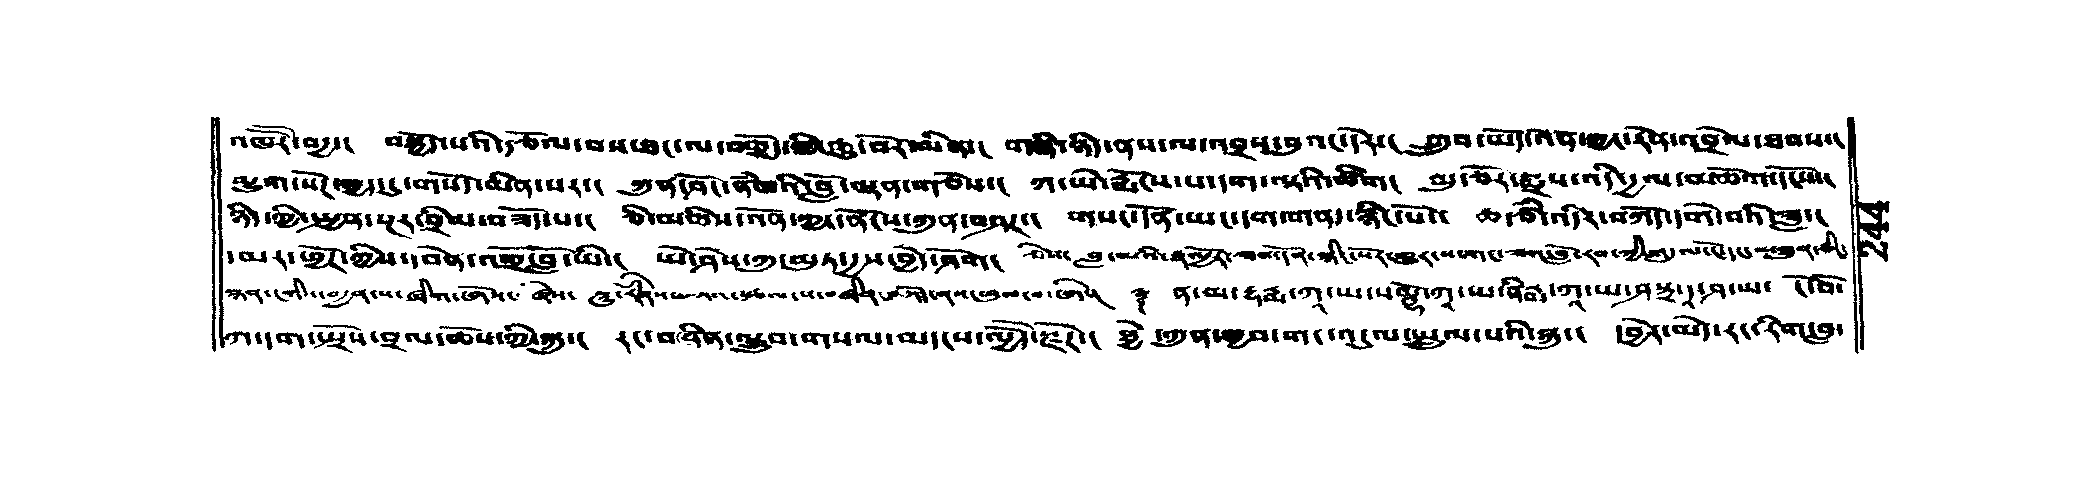འཁོར་ལོ་བརྒྱ། །བསྐྱོད་པའི་རྩོལ་བས་ཐང་ལ་བགྲོད་ཀྱི་ཆུ་བོར་མིན། །གཞི་ཉིད་ནས་ལ་འབྲས་བུའང་དེར། །གྲུབ་མོད་འོན་ཀྱང་རྟེན་འབྲེལ་ཐབས། །
མྱུག་སོགས་ཁྱད་དུ་གསོད་མིན་པར། །ཀུན་ཤོང་ནམ་མཁའི་བློ་ལྡན་གཅེས། །ཀ་ཡེ་རྨོངས་པ་བདག་ལྟའི་ཚིག །མུ་ཅོར་སྨྲས་འདི་རྒྱལ་མཆོག་དངོས། །
ཉིད་ཀྱི་སྤྱན་སྔར་བྲིམ་བཟོད་པ། །ཅི་མཆིས་འོན་ཀྱང་ནོངས་ཀུན་བཤགས། །གསང་དོན་ཡང་དག་གནད་སྙིང་པོ། །ཆ་ཙམ་འདིར་བཀོད་དགེ་བའི་ཟླ། །
དམར་ཕྱོགས་ཀྱིས་དབེན་འགྲོ་བློ་ཡི། །ཡེ་ཤེས་ཀུ་མུཏ་རྒྱས་བྱེད་ཤོག ཅེས་བླ་མའི་རྣལ་འབྱོར་ཟབ་དོན་སྙིང་པོར་གྱུར་པ་གང་ཟག་བློ་རབ་ཀྱི་གདུལ་ངོ་དང་མཐུན་ཅིང་
སྙན་ངག་གིས་བརྒྱན་པ་ཞིག་དགོས་ཞེས། སྐུ་རིན་པོ་ཆེས་བཀའ་བསྩལ་པ་བཞིན་བཀོད་ནས་ཕུལ་བ་དགེ།། ༈ ན་མ་དྷརྨ་ཀཱ་ཡ་སམྦྷོ་ཀཱ་ཡ་ནིརྨ་ཀཱ་ཡ་ཤསྟྲ་དཱ་ཤ་ཡ།ངོ་བོ་
ཀ་དག་སྤྲོས་བྲལ་ཆོས་ཀྱི་སྐུ། །རང་བཞིན་ལྷུན་གྲུབ་གསལ་མདངས་ལོངས་སྤྱོད་རྫོགས། །ཐུགས་རྗེ་ཀུན་ཁྱབ་གང་འདུལ་སྤྲུལ་པའི་སྐུ། །དབྱེར་མེད་རང་རིག་བླ་